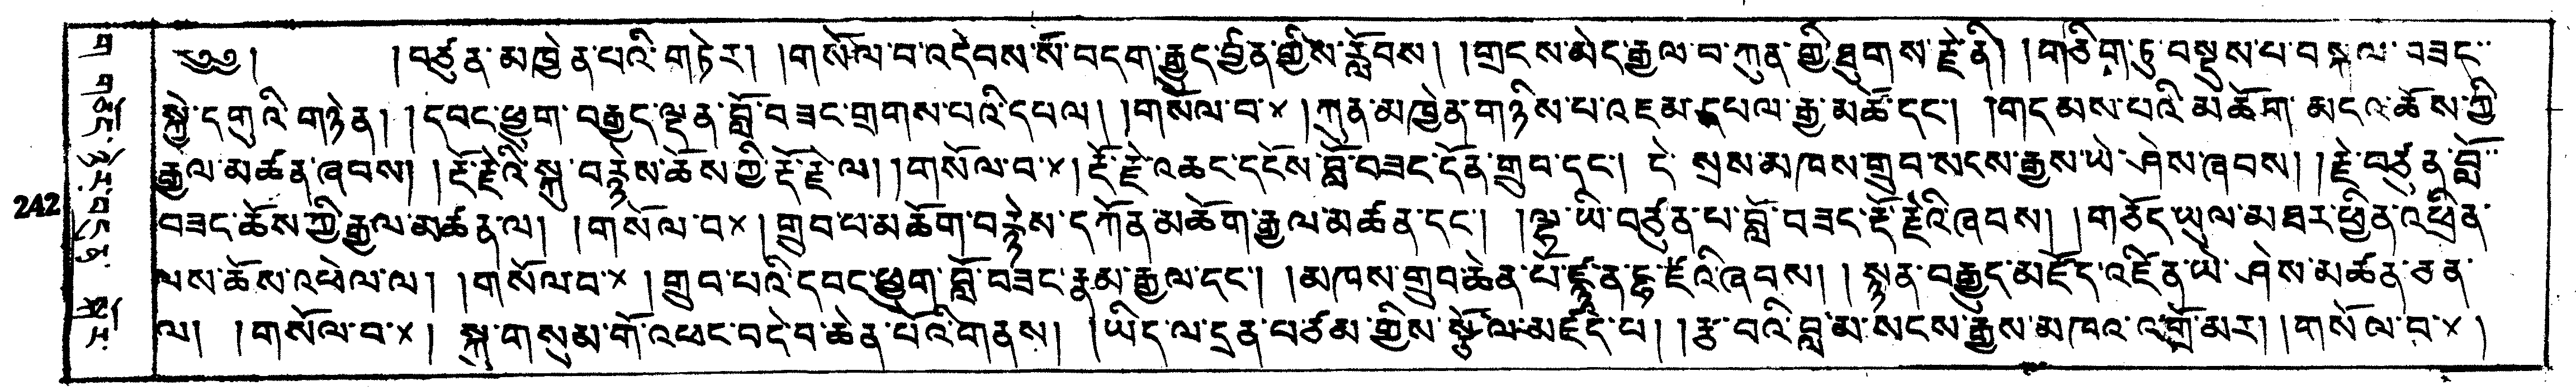༄༅། །བཙུན་མཁྱེན་པའི་གཏེར། །གསོལ་བ་འདེབས་སོ་བདག་རྒྱུད་བྱིན་གྱིས་རློབས། །གྲངས་མེད་རྒྱལ་བ་ཀུན་གྱི་ཐུགས་རྗེ་ནི། །གཅིག་ཏུ་བསྡུས་པ་བསྐལ་བཟང་
སྐྱེ་དགུའི་གཉེན། །དབང་ཕྱུག་བརྒྱད་ལྡན་བློ་བཟང་གྲགས་པའི་དཔལ། །གསོལ་བ་྾་།ཀུན་མཁྱེན་གཉིས་པ་འཇམ་དཔལ་རྒྱ་མཚོ་དང་། །གདམས་པའི་མཆོག་མངའ་ཆོས་ཀྱི་
རྒྱལ་མཚན་ཞབས། །རྡོ་རྗེའི་སྐུ་བརྙེས་ཆོས་ཀྱི་རྡོ་རྗེ་ལ། །གསོལ་བ་྾་།རྡོ་རྗེ་འཆང་དངོས་བློ་བཟང་དོན་གྲུབ་དང་། དེ་སྲས་མཁས་གྲུབ་སངས་རྒྱས་ཡེ་ཤེས་ཞབས། །རྗེ་བཙུན་བློ་
བཟང་ཆོས་ཀྱི་རྒྱལ་མཚན་ལ། །གསོལ་བ་྾་།གྲུབ་པ་མཆོག་བརྙེས་དཀོན་མཆོག་རྒྱལ་མཚན་དང་། །ལྷ་ཡི་བཙུན་པ་བློ་བཟང་རྡོ་རྗེའི་ཞབས། །གཅོད་ཡུལ་མཐར་ཕྱིན་འཕྲིན་
ལས་ཆོས་འཕེལ་ལ། །གསོལ་བ་྾་།གྲུབ་པའི་དབང་ཕྱུག་བློ་བཟང་རྣམ་རྒྱལ་དང་། །མཁས་གྲུབ་ཆེན་པོ་ཛྙཱ་ན་དྷ་ཛའི་ཞབས། །སྙན་བརྒྱུད་མཛོད་འཛིན་ཡེ་ཤེས་མཚན་ཅན་
ལ། །གསོལ་བ་྾་།སྐུ་གསུམ་གོ་འཕང་བདེ་བ་ཆེན་པོའི་གནས། །ཡིད་ལ་དྲན་པ་ཙམ་གྱིས་སྩོལ་མཛད་པ། །རྩ་བའི་བླ་མ་སངས་རྒྱས་མཁའ་འགྲོ་མར། །གསོལ་བ་྾་།